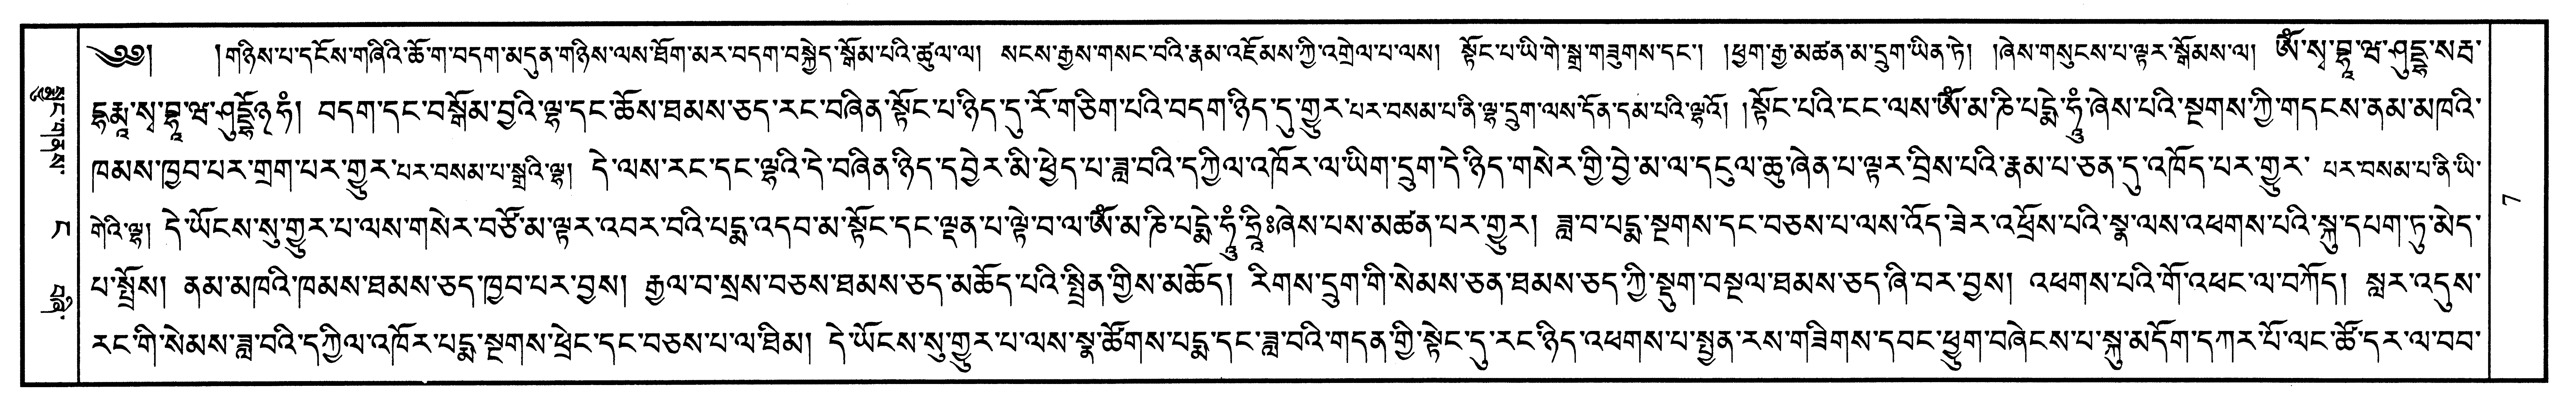༄༅། །གཉིས་པ་དངོས་གཞིའི་ཆོ་ག་བདག་མདུན་གཉིས་ལས་ཐོག་མར་བདག་བསྐྱེད་སྒོམ་པའི་ཚུལ་ལ། སངས་རྒྱས་གསང་བའི་རྣམ་འཇོམས་ཀྱི་འགྲེལ་པ་ལས། སྟོང་པ་ཡི་གེ་སྒྲ་གཟུགས་དང་། །ཕྱག་རྒྱ་མཚན་མ་དྲུག་ཡིན་ཏེ། །ཞེས་གསུངས་པ་ལྟར་སྒོམས་ལ། ཨོཾ་སྭ་བྷཱ་ཝ་ཤུདྡྷ་སརྦ་
དྷརྨཱ་སྭ་བྷཱ་ཝ་ཤུདྡྷོཉཧཾ། བདག་དང་བསྒོམ་བྱའི་ལྷ་དང་ཆོས་ཐམས་ཅད་རང་བཞིན་སྟོང་པ་ཉིད་དུ་རོ་གཅིག་པའི་བདག་ཉིད་དུ་གྱུར་པར་བསམ་པ་ནི་ལྷ་དྲུག་ལས་དོན་དམ་པའི་ལྷའོ། །སྟོང་པའི་ངང་ལས་ཨོཾ་མ་ཎི་པདམེ་ཧཱུཾ་ཞེས་པའི་སྔགས་ཀྱི་གདངས་ནམ་མཁའི་
ཁམས་ཁྱབ་པར་གྲག་པར་གྱུར་པར་བསམ་པ་སྒྲའི་ལྷ། དེ་ལས་རང་དང་ལྷའི་དེ་བཞིན་ཉིད་དབྱེར་མི་ཕྱེད་པ་ཟླ་བའི་དཀྱིལ་འཁོར་ལ་ཡིག་དྲུག་དེ་ཉིད་གསེར་གྱི་བྱེ་མ་ལ་དངུལ་ཆུ་ཞེན་པ་ལྟར་བྲིས་པའི་རྣམ་པ་ཅན་དུ་འཁོད་པར་གྱུར་པར་བསམ་པ་ནི་ཡི་
གེའི་ལྷ། དེ་ཡོངས་སུ་གྱུར་པ་ལས་གསེར་བཙོ་མ་ལྟར་འབར་བའི་པདམ་འདབ་མ་སྟོང་དང་ལྡན་པ་ལྟེ་བ་ལ་ཨོཾ་མ་ཎི་པདམེ་ཧཱུཾ་ཧྲཱིཿ ཞེས་པས་མཚན་པར་གྱུར། ཟླ་བ་པདམ་སྔགས་དང་བཅས་པ་ལས་འོད་ཟེར་འཕྲོས་པའི་སྣ་ལས་འཕགས་པའི་སྐུ་དཔག་ཏུ་མེད་
པ་སྤྲོས། ནམ་མཁའི་ཁམས་ཐམས་ཅད་ཁྱབ་པར་བྱས། རྒྱལ་བ་སྲས་བཅས་ཐམས་ཅད་མཆོད་པའི་སྤྲིན་གྱིས་མཆོད། རིགས་དྲུག་གི་སེམས་ཅན་ཐམས་ཅད་ཀྱི་སྡུག་བསྔལ་ཐམས་ཅད་ཞི་བར་བྱས། འཕགས་པའི་གོ་འཕང་ལ་བཀོད། སླར་འདུས་
རང་གི་སེམས་ཟླ་བའི་དཀྱིལ་འཁོར་པདམ་སྔགས་ཕྲེང་དང་བཅས་པ་ལ་ཐིམ། དེ་ཡོངས་སུ་གྱུར་པ་ལས་སྣ་ཚོགས་པདམ་དང་ཟླ་བའི་གདན་གྱི་སྟེང་དུ་རང་ཉིད་འཕགས་པ་སྤྱན་རས་གཟིགས་དབང་ཕྱུག་བཞེངས་པ་སྐུ་མདོག་དཀར་པོ་ལང་ཚོ་དར་ལ་བབ་